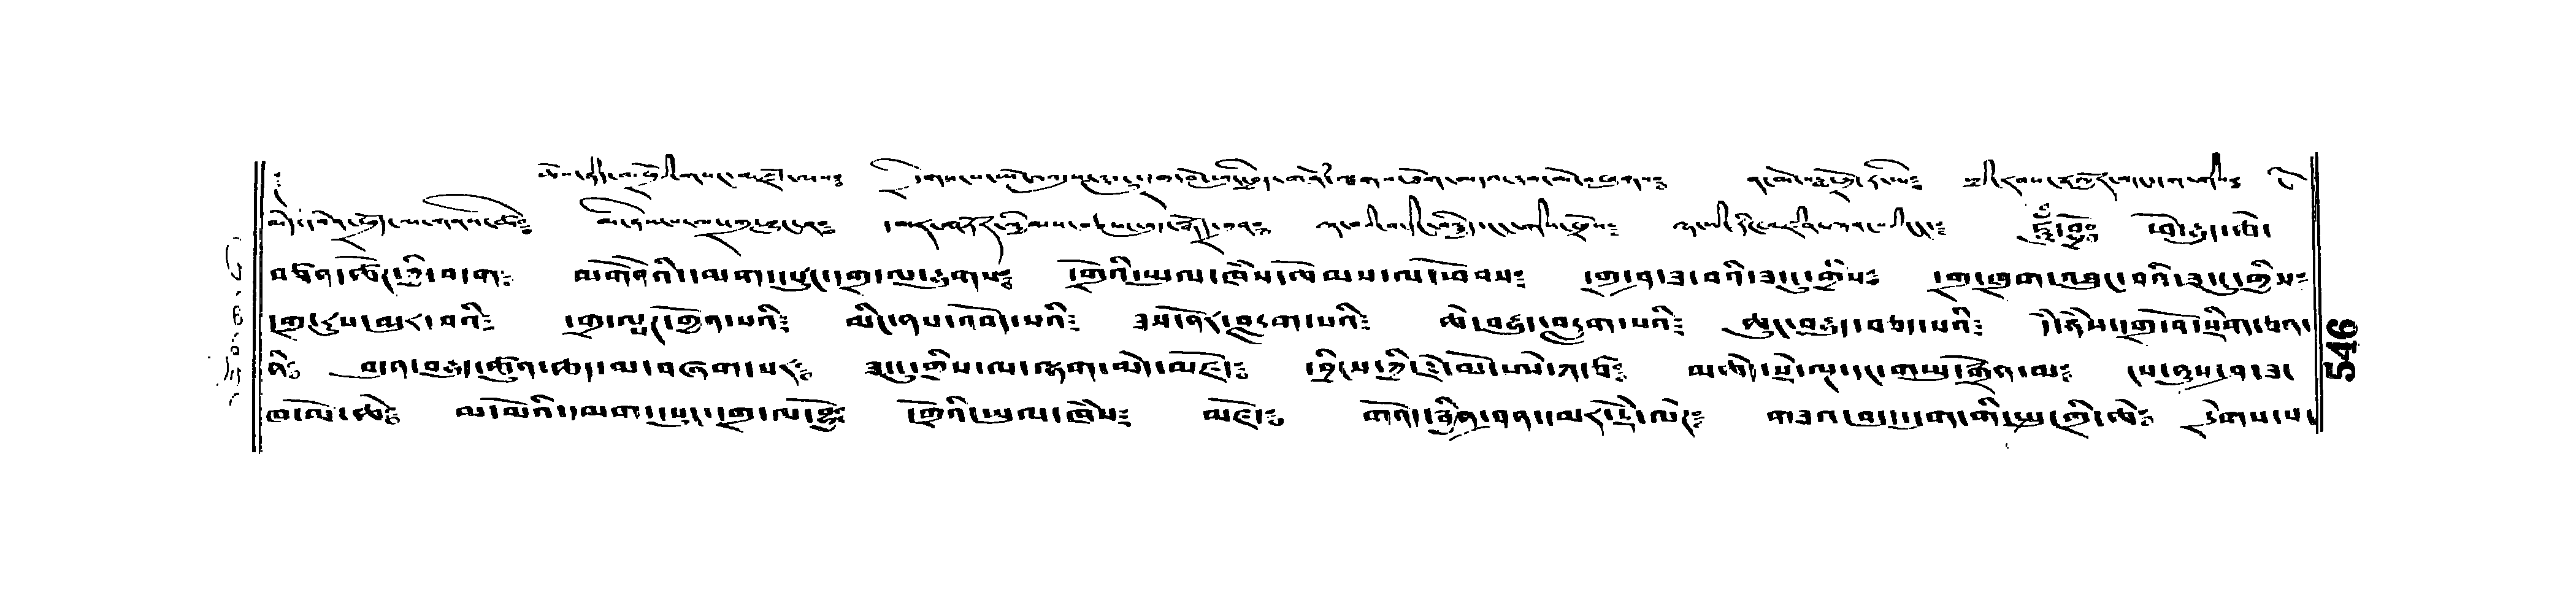ཆོས་ཉིད་མཁའ་འགྲོའི་གསང་མཛོད་ལས༔ དྲེགས་པ་ཡོངས་འདུས་ཟ་ངུ་དགྲ་བོ་ཕུང་བྱེད་གནམ་ལྕགས་ཐོག་མདའ་ཟབ་མོ་བཞུགས༔ ན་མོ་པདྨ་ཀྲོ་དྷ་ཡེ༔ ཕྱི་རབས་རྣལ་འབྱོར་གང་དག་གིས༔ ངེས་
མེད་དབེན་ཁོད་མ་གནས་ཚེ༔ མ་ཉེས་པ་ལ་དགྲ་བྱུང་ན༔ དམར་གཏོར་སྐྱེམས་བཅས་ཕུད་རྒོད་བྲན༔ ལྟ་བའི་གདིང་བསྐྱེད་ངང་གིས་ཕྲོས༔ ལྷ་ཡི་ཏིང་འཛིན་ལྡན་པའི་ངང༔ ཧཱུྃ་བྷྱོཿ ཕོ་རྒྱུད་ཆེ་
བཙན་ཚོགས་ཀྱི་བདག༔ མགོན་པོའི་དམག་དཔུང་དགྲ་ལ་རྒྱུགས༔ དགྲ་བོའི་ཡུལ་ཁམས་ཆམ་ལ་ཕོབས༔ དགྲ་ཤ་ཟ་བའི་ཟ་ངུ་གྱིས༔ དགྲ་ཁྲག་འཐུང་བའི་ཟ་ངུ་གྱིས༔ 
དགྲ་རུས་མུར་བའི༴ དགྲ་ལྤགས་གྱོན་པའི༴ མིང་ནས་འབོད་པའི༴ ཟས་ནོར་བརླག་པའི༴ ཆེ་བརྒྱུད་བརླག་པའི༴ ཆུང་བརྒྱུད་གཅོད་པའི༴ དམ་ཉམས་དགྲ་བོ་སྡིག་ཅན་
ནི༔ བདུན་བརྒྱུད་ཚུན་ཆད་མ་བཞག་པར༔ ཟ་ངུ་གྱིས་ལ་ལྷག་མེད་མཛོད༔ དབྱིངས་ཀྱི་རྗེ་མོ་ཨེ་ཀ་ཙ༔ མཆོད་སྡེ་ལྔ་དང་གཡུ་སྒྲོན་མ༔ ངས་ནུས་ཤ་ཟ་
ཁ་མོ་ཆེ༔ མ་མོའི་དམག་དཔུང་དགྲ་ལ་བྷྱོཿ དགྲ་བོའི་ཡུམ་ཁམས༴ མཛོད༔ གནོད་སྦྱིན་ཤན་དམར་རྡོ་རྗེ་ལེགས༔ གཟའ་བདུད་དུག་གི་སྤུ་གྲི་ཆེ༔ དྲེགས་པ་